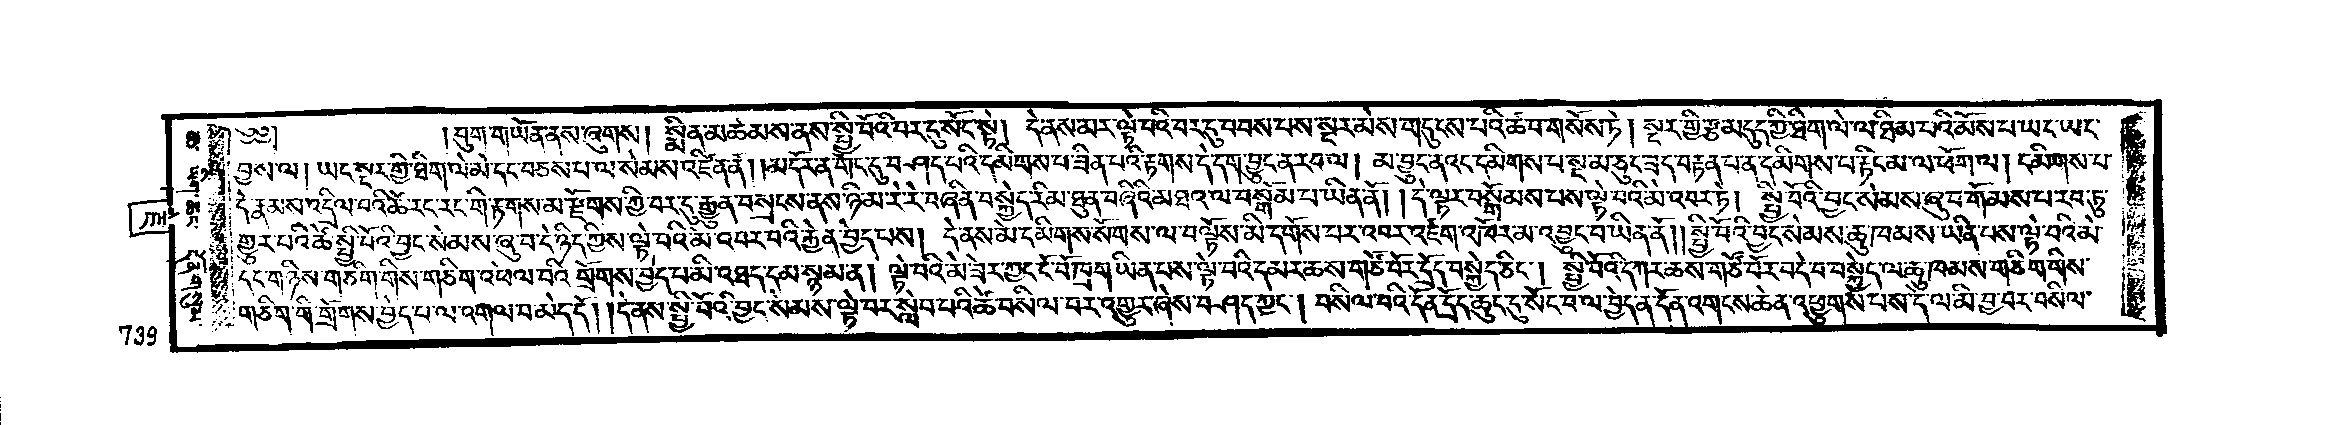༄༅། །བུག་གཡོན་ནས་ཞུགས། སྨིན་མཚམས་ནས་སྤྱི་བོའི་བར་དུ་སོང་སྟེ། དེ་ནས་མར་ལྟེ་བའི་བར་དུ་བབས་པས་སྔར་མེས་གདུངས་པའི་ཚ་བ་གསོས་ཏེ། སྔར་གྱི་རྩ་མདུད་ཀྱི་ཐིག་ལེ་ལ་ཐིམ་པའི་མོས་པ་ཡང་ཡང་
བྱས་ལ། ཡང་སྔར་གྱི་ཐིག་ལེ་མེ་དང་བཅས་པ་ལ་སེམས་འཛིན་ནོ། །མདོར་ན་གོང་དུ་བཤད་པའི་དམིགས་པ་ཟིན་པའི་རྟགས་དེ་དག་བྱུང་ན་རབ་ལ། མ་བྱུང་ནའང་དམིགས་པ་སྔ་མ་ཅུང་ཟད་བརྟན་པ་ན་དམིགས་པ་རྟིང་མ་ལ་ཕོག་ལ། དམིགས་པ་
དེ་རྣམས་འདྲིལ་བའི་ཚེ་རང་རང་གི་རྟགས་མ་རྫོགས་ཀྱི་བར་དུ་རྒྱུན་བསྲིངས་ནས་ཉི་མ་རེ་རེ་བཞིན་བསྐྱེད་རིམ་ཐུན་བཞིའི་མཐའ་ལ་བསྒོམ་པ་ཡིན་ནོ། །དེ་ལྟར་བསྒོམས་པས་ལྟེ་བའི་མེ་འབར་ཏེ། སྤྱི་བོའི་བྱང་སེམས་ཞུ་བ་གོམས་པ་རབ་ཏུ་
གྱུར་པའི་ཚེ་སྤྱི་བོའི་བྱང་སེམས་ཞུ་བ་དེ་ཉིད་ཀྱིས་ལྟེ་བའི་མེ་འབར་བའི་རྐྱེན་བྱེད་པས། དེ་ནས་མེ་དམིགས་སོགས་ལ་བལྟོས་མི་དགོས་པར་འབར་འཛག་འཁོར་མ་འབྱུང་བ་ཡིན་ནོ། །སྤྱི་བོའི་བྱང་སེམས་ཆུ་ཁམས་ཡིན་པས་ལྟེ་བའི་མེ་
དང་གཉིས་གཅིག་གིས་གཅིག་འཕེལ་བའི་གྲོགས་བྱེད་པ་མི་འཐད་དམ་སྙམ་ན། ལྟེ་བའི་མེ་ཟེར་ཀྱང་ངོ་བོ་ཁྲག་ཡིན་པས་ལྟེ་བའི་དམར་ཆས་གཙོ་བོར་དྲོད་བསྐྱེད་ཅིང་། སྤྱི་བོའི་དཀར་ཆས་གཙོ་བོར་བདེ་བ་བསྐྱེད་ལ་ཆུ་ཁམས་གཅིག་གིས་
གཅིག་གི་གྲོགས་བྱེད་པ་ལ་འགལ་བ་མེད་དོ། །དེ་ནས་སྤྱི་བོའི་བྱང་སེམས་ལྟེ་བར་སླེབ་པའི་ཚེ་བསིལ་བར་འགྱུར་ཞེས་བཤད་ཀྱང་། བསིལ་བའི་དོན་དྲོད་ཆུང་ངུ་སོང་བ་ལ་བྱེད་ན་དོན་འགངས་ཆེན་འཕྱུགས་པས་དེ་ལ་མི་བྱ་བར་བསིལ་